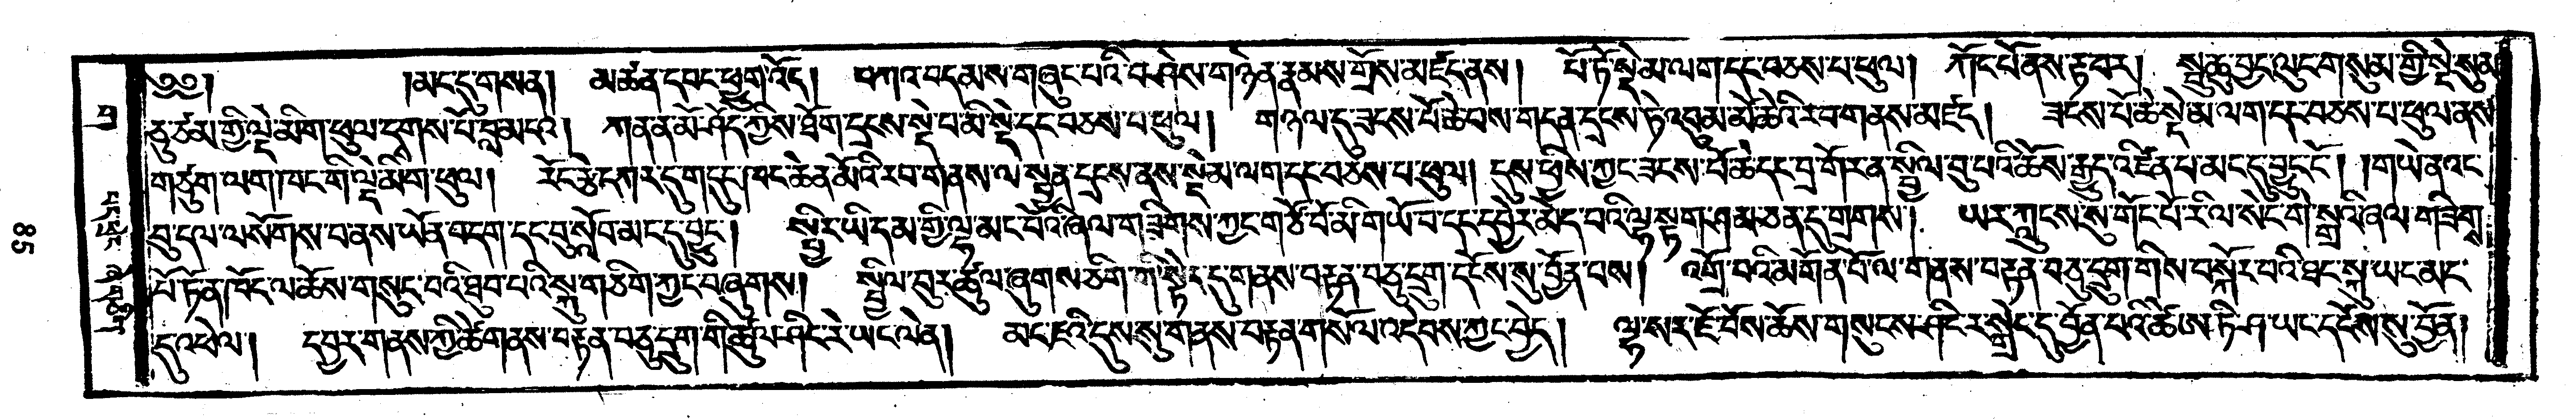༄༅། །མང་དུ་གསན། མཚན་དབང་ཕྱུག་འོད། བཀའ་བདམས་གཞུང་བའི་བཤེས་གཉེན་རྣམས་གྲོས་མཛད་ནས། པོ་ཏོ་སྡེ་མ་ལག་དང་བཅས་པ་ཕུལ། ཀོང་པོ་ནས་རྟ་བར། སྦུ་ཆུ་བྱང་ལུང་གསུམ་གྱི་སྡེ་སུམ་
ཅུ་ཙམ་གྱི་ལྡེ་མིག་ཕུལ་དྭགས་པོ་བླ་མདའ། ཀན་ན་མོ་ཤོད་ཀྱིས་ཐོག་དྲངས་སྡེ་པ་མི་སྡེ་དང་བཅས་བ་ཕུལ། གཉལ་དུ་ཟངས་པོ་ཆེ་བས་གདན་དྲངས་ཏེ་འབུམ་མོ་ཆེའི་བ་གནས་མཛད། ཟངས་པོ་ཆེ་སྡེ་མ་ལག་དང་བཅས་པ་ཕུལ་ནས་
གཙུག་ལག་ཁང་གི་ལྡེ་མིག་ཕུལ། རོང་རྩེ་དཀར་དུ་གདུང་ཁང་ཆེན་མོའི་རབ་གནས་ལ་སྤྱན་དྲངས་ནས་སྡེ་མ་ལག་དང་བཅས་པ་ཕུལ། དུས་ཕྱིས་ཀྱང་ཟངས་པོ་ཆེ་དང་བྲ་གོར་ན་སྤྱིལ་བུ་པའི་ཆོས་རྒྱུད་འཛིན་པ་མང་དུ་བྱུང་ངོ། །གཡེ་ནའང་
བུ་དལ་ལ་སོགས་པ་ནས་ཡོན་བདག་དང་བུ་སློབ་མང་དུ་བྱུང་། སྤྱིར་ཡི་དམ་གྱི་ལྷ་མང་པོའི་ཞིལ་གཟིགས་ཀྱང་གཙོ་བོ་མི་གཡོ་བ་དང་དབྱེར་མེད་པའི་ལྷ་སྟག་ཤམ་ཅན་དུ་གྲགས། ཡར་ཀླུངས་སུ་གོང་པོ་རི་ལ་སེང་གེ་སྒྲའི་ཞལ་གཟིགས་
པོ་ཏོ་ན་ཁོང་ལ་ཆོས་གསུང་བའི་ཐུབ་པའི་སྐུ་གཅིག་ཀྱང་བཞུགས། སྤྱིལ་བུར་ཚུལ་ཞུགས་ཅིག་གི་སྟེང་དུ་གནས་བརྟན་བཅུ་དྲུག་དངོས་སུ་བྱོན་པས། འགྲོ་བའི་མགོན་པོ་ལ་གནས་བརྟན་བཅུ་དྲུག་གིས་བསྐོར་བའི་ཐང་སྐུ་ཡང་མང་
དུ་འཕེལ། དབྱར་གནས་ཀྱི་ཚེ་གནས་བརྟན་བཅུ་དྲུག་གི་ཚུལ་ཤིང་རེ་ཡང་ལེན། མང་ཇའི་དུས་སུ་གནས་བརྟན་གསོལ་འདེབས་ཀྱང་བྱེད། ལྷ་སར་ཇོ་བོས་ཆོས་གསུངས་ཤིང་ར་སྒྲེང་དུ་བྱོན་པའི་ཚེ་ཨ་ཏི་ཤ་ཡང་དངོས་སུ་བྱོན།